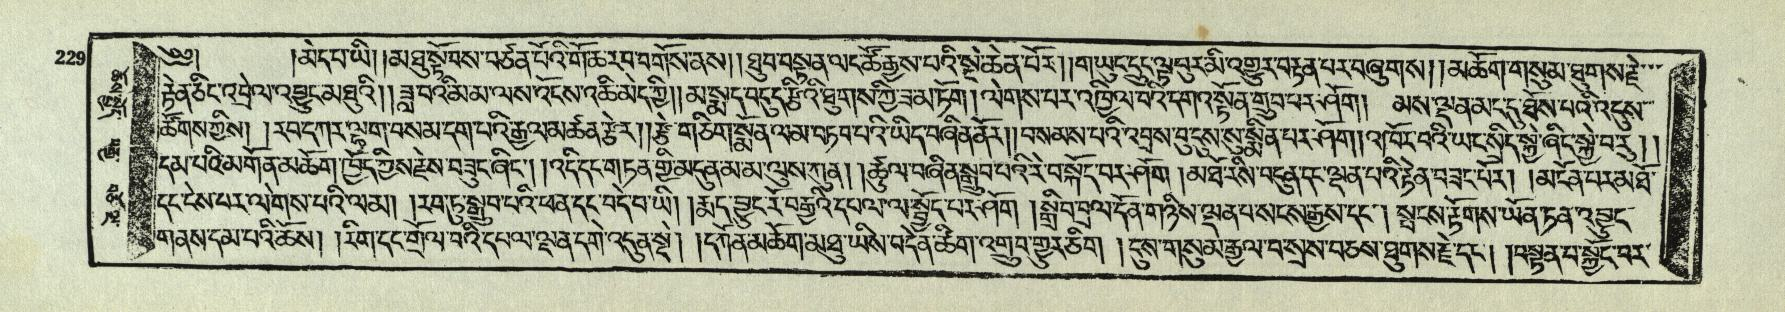༄༅། །མེད་པ་ཡི། །མཐུ་སྟོབས་བཙན་པོའི་གོ་ཆ་རབ་བགོས་ནས། །ཐུབ་བསྟན་ལང་ཚོ་རྒྱས་པའི་སྔེ་ཆེན་པོར། །གཡུང་དྲུང་ལྟ་བུར་མི་འགྱུར་བརྟན་པར་བཞུགས། །མཆོག་གསུམ་ཐུགས་རྗེ་
རྟེན་ཅིང་འབྲེལ་འབྱུང་མཐུའི། །ཟླ་བའི་མ་མ་ལས་འོངས་འཆི་མེད་ཀྱི། །མ་སྨད་བདུད་རྩིའི་ཐུགས་ཀྱི་ཟ་མ་ཏོག། ལེགས་པར་འཁྱིལ་བའི་དགའ་སྟོན་གྲུབ་པར་ཤོག། མས་ལྡན་མང་དུ་ཐོས་པའི་འདུས་
ཚོགས་ཀྱིས། །རབ་དཀར་ལྷག་བསམ་དག་པའི་རྒྱལ་མཚན་རྩེར། །རྩེ་གཅིག་སྨོན་ལམ་བཏབ་པའི་ཡིད་བཞིན་ནོར། །བསམས་པའི་འབྲས་བུ་དུས་སུ་སྨིན་པར་ཤོག། འཁོར་བའི་ཡང་སྲིད་སྐྱེ་ཞིང་སྐྱེ་བ་རུ། །
དམ་པའི་མགོན་མཆོག་ཁྱོད་ཀྱིས་རྗེས་བཟུང་ཞིང་། །འདི་དང་གཏན་གྱི་མདུན་མ་མ་ལུས་ཀུན། །ཚུལ་བཞིན་སྒྲུབ་པའི་རེ་བ་སྐོད་བར་ཤོག། མཐོ་རིས་བདུན་དང་ལྡན་པའི་རྟེན་བཟང་པོར། །མངོན་པར་མཐོ་
དང་ངེས་པར་ལེགས་པའི་ལམ། །རབ་ཏུ་སྒྲུབ་པའི་ཕན་དང་བདེ་བ་ཡི། །རྨད་བྱུང་རོ་བརྒྱའི་དཔལ་ལ་སྦྱོད་པར་ཤོག །སྒྲིབ་བྲལ་དོན་གཉིས་ལྡན་པ་སངས་རྒྱས་དང་། སྤངས་རྟོགས་ཡོན་ཏན་འབྱུང་
གནས་དམ་པའི་ཆོས། །རིག་དང་གྲོལ་བའི་དཔལ་ལྡན་དགེ་འདུན་སྡེ། །དཀོན་མཆོག་མཐུ་ཡིས་བདེན་ཚིག་འགྲུབ་གྱུར་ཅིག །དུས་གསུམ་རྒྱལ་བ་སྲས་བཅས་ཐུགས་རྗེ་དང་། །བསྟན་པ་སྐྱོང་བར་